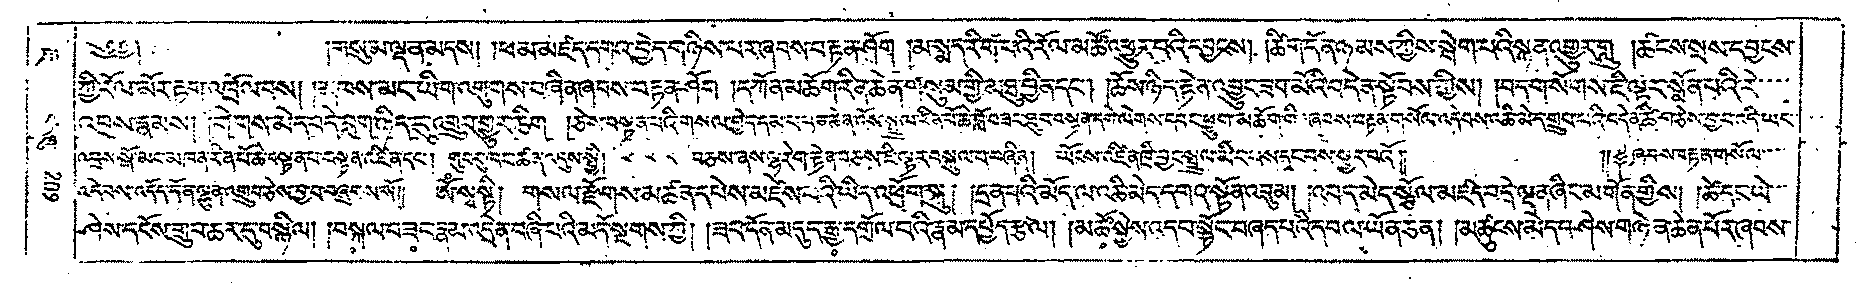༄༅། །གསུམ་ལྡན་མདས། །ཕམ་མཛད་དགའ་བྱེད་གཉིས་པར་ཞབས་བརྟན་ཤོག །མ་སྨད་རིག་པའི་རོལ་མཚོ་འཕྱུར་བའི་དབྱངས། །ཚིག་དོན་ཉམས་ཀྱིས་སྒེག་པའི་སྙན་འགྱུར་གླུ་།ཚངས་སྲས་དབྱངས་
ཀྱི་རོལ་མོར་རྟག་འཁྲོལ་བས། །མཁས་མང་ཡི་ག་འགུགས་བཞིན་ཞབས་བརྟན་ཤོག །དཀོན་མཆོག་རིན་ཆེན་གསུམ་གྱི་མཐུ་བྱིན་དང་། །ཆོས་ཉིད་རྟེན་འབྱུང་ཟབ་མོའི་བདེན་སྟོབས་ཀྱིས། །བདག་སོགས་ཇི་ལྟར་སྨོན་པའི་རེ་
འབྲས་རྣམས། །གེགས་མེད་བདེ་བླག་ཉིད་དུ་འགྲུབ་གྱུར་ཅིག །ཅེས་བསྟན་པའི་གསལ་བྱེད་དམ་པ་པཎ་ཆེན་འོས་སྤྲུལ་རིན་པོ་ཆེ་བློ་བཟང་ཐུབ་བསྟན་དགེ་ལེགས་དབང་ཕྱུག་མཆོག་གི་༧ཞབས་བརྟན་གསོལ་འདེབས་འཆི་མེད་གྲུབ་པའི་བདེན་ཚིག་ཅེས་བྱ་བ་འདི་ཡང་
འབྲས་སྒོ་མང་མཁན་རིན་པོ་ཆེ་བསྟན་པ་བསྟན་འཛིན་དང་། གུང་རུ་ཁང་ཚན་འདུས་སྤྱི། ྾་྾་྾་བཅས་ནས་ལྷ་རེག་རྟེན་བཅས་ཇི་ལྟར་བསྐུལ་བ་བཞིན། ཡོངས་འཛིན་ཁྲི་བྱང་སྤྲུལ་མིང་པས་དྭང་བས་སྦྱར་བའོ།། །། ༈ ཞབས་བརྟན་གསོལ་
འདེབས་འདོད་དོན་ལྷུན་འགྲུབ་ཅེས་བྱ་བ་བཞུགས་སོ།། ཨོཾ་སྭ་སྟི། གསལ་རྫོགས་མཚན་དཔེས་མཛེས་པའི་ཡིད་འཕྲོག་སྐུ། །དྲན་པའི་མོད་ལ་འཆི་མེད་དགའ་སྟོན་འབུམ། །འབད་མེད་སྩོལ་མཛད་བདེ་ལྡན་ཞིང་མགོན་གྱིས། །ཚེ་དང་ཡེ་
ཤེས་དངོས་གྲུབ་ཆར་དུ་བསྙིལ། །བསྐལ྾་བཟང྾་རྣམ་འདྲེན་བཞི་པའི་མདོ་སྔགས་ཀྱི། །ཟབ་དོན་མདུད་རྒྱ྾་དགྲོལ་བའི་རྣམ་དཔྱོད་རྩལ། །མཚོ྾་སྐྱེས་འདབ་སྟོང་བཞད་པའི་དཔལ་ཡོན་ཅན། །མཚུངས་མེད་བཤེས་གཉེན་ཆེན་པོར་ཞབས་